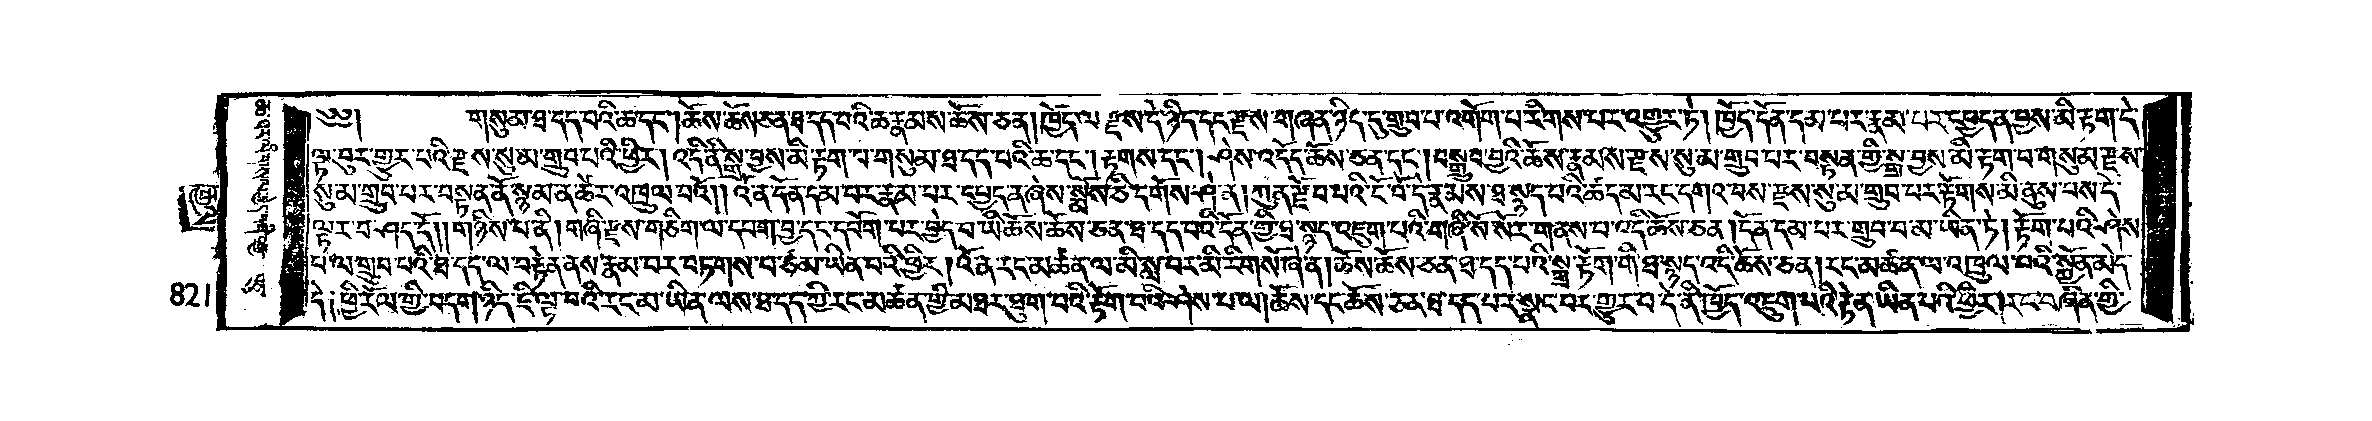༄༅། །གསུམ་ཐ་དད་པའི་ཆ་དང་། ཆོས་ཆོས་ཅན་ཐ་དད་པའི་ཆ་རྣམས་ཆོས་ཅན། ཁྱོད་ལ་རྫས་དེ་ཉིད་དང་རྫས་གཞན་ཉིད་དུ་གྲུབ་པ་འགོག་པ་རིགས་པར་འགྱུར་ཏེ། ཁྱོད་དོན་དམ་པར་རྣམ་པར་དཔྱད་ན་བྱས་མི་རྟག་དེ་
ལྟ་བུར་གྱུར་པའི་རྫས་སུ་མ་གྲུབ་པའི་ཕྱིར། འདི་ནི་སྒྲ་བྱས་མི་རྟག་པ་གསུམ་ཐ་དད་པའི་ཆ་དང་། རྟགས་དང་། ཤེས་འདོད་ཆོས་ཅན་དང་། བསྒྲུབ་བྱའི་ཆོས་རྣམས་རྫས་སུ་མ་གྲུབ་པར་བསྟན་གྱི་སྒྲ་བྱས་མི་རྟག་པ་གསུམ་རྫས་
སུ་མ་གྲུབ་པར་བསྟན་ནོ་སྙམ་ན་ཚེར་འཁྲུལ་བའོ། །འོ་ན་དོན་དམ་པར་རྣམ་པར་དཔྱད་ན་ཞེས་སྨོས་ཅི་དགོས་ཤེ་ན། ཀུན་རྫོབ་པའི་ངོ་བོ་དེ་རྣམས་ཐ་སྙད་པའི་ཚད་མ་རང་དགའ་བས་རྫས་སུ་མ་གྲུབ་པར་རྟོགས་མི་ནུས་པས་ད་
ལྟར་བཤད་དོ། །གཉིས་པ་ནི། གཞི་རྫས་གཅིག་ལ་དཔག་བྱ་དང་དཔོག་པར་བྱེད་པ་ཡི་ཆོས་ཆོས་ཅན་ཐ་དད་པའི་དོན་གྱི་ཐ་སྙད་འཇུག་པའི་གཞི་སོ་སོར་གནས་པ་འདི་ཆོས་ཅན། དོན་དམ་པར་གྲུབ་པ་མ་ཡིན་ཏེ། རྟོག་པའི་ཤེས་
པ་ལ་གྲུབ་པའི་ཐ་དད་ལ་བརྟེན་ནས་རྣམ་པར་བཏགས་པ་ཙམ་ཡིན་པའི་ཕྱིར། འོ་ན་རང་མཚན་ལ་མི་སླ་བར་མི་རིགས་སོ་ཞེ་ན། ཆོས་ཆོས་ཅན་ཐ་དད་པའི་སྒྲ་རྟོག་གི་ཐ་སྙད་འདི་ཆོས་ཅན། རང་མཚན་ལ་འཁྲུལ་བའི་སྐྱོན་མེད་
དེ༑ ཕྱི་རོལ་གྱི་བདག་ཉིད་ཇི་ལྟ་བའི་རང་མ་ཡིན་ལས་ཐ་དད་ཀྱི་རང་མཚན་གྱི་མཐར་ཐུག་པའི་རྟོག་པའི་ཤེས་པ་ལ། ཆོས་དང་ཆོས་ཅན་ཐ་དད་པར་སྣང་བར་གྱུར་བ་དེ་ནི་ཁྱོད་འཇུག་པའི་རྟེན་ཡིན་པའི་ཕྱིར། རང་བཞིན་གྱི་